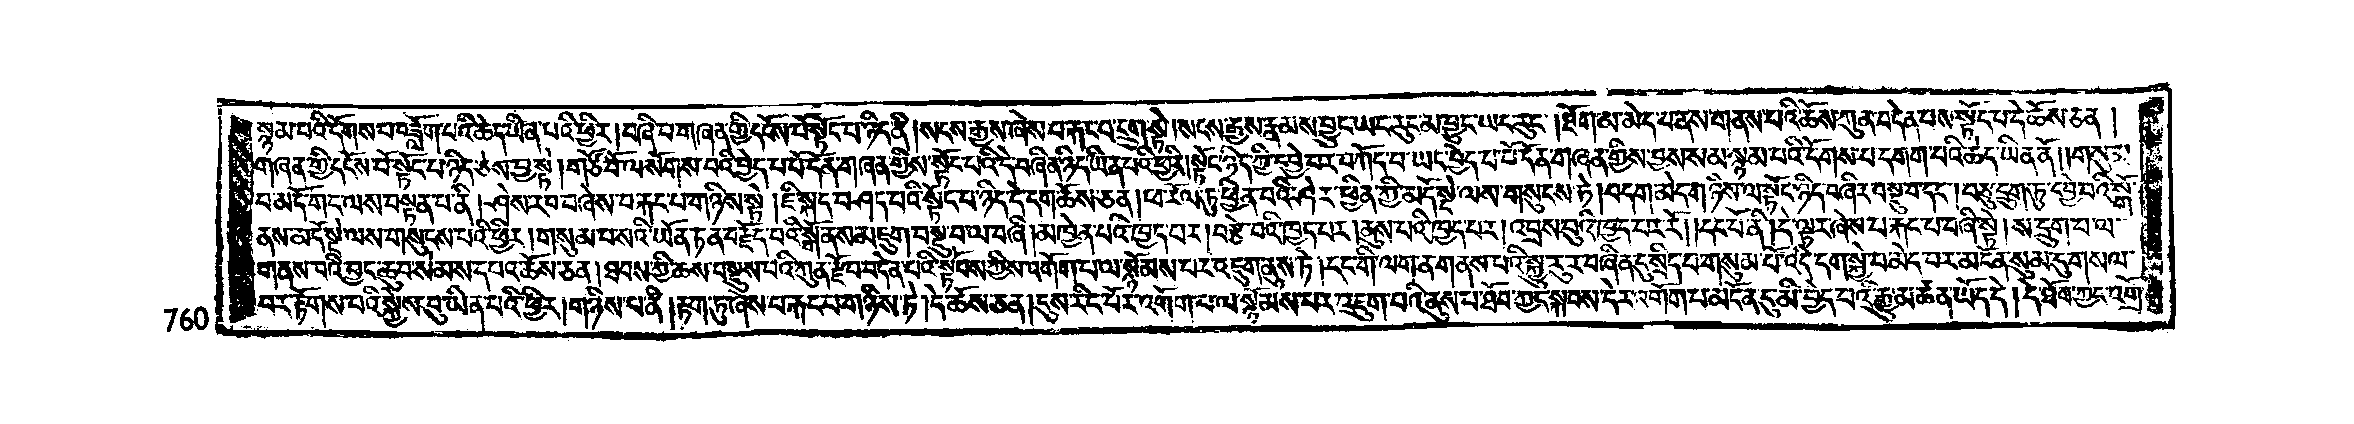སྙམ་པའི་དོགས་པ་བཟློག་པའི་ཆེད་ཡིན་པའི་ཕྱིར། བཞི་པ་གཞན་གྱི་དངོས་པོ་སྟོང་པ་ཉིད་ནི། སངས་རྒྱས་ཞེས་པ་རྐང་པ་དྲུག་སྟེ། སངས་རྒྱས་རྣམས་བྱུང་ཡང་རུང་མ་བྱུང་ཡང་རུང་། ཐོག་མ་མེད་པ་ནས་གནས་པའི་ཆོས་ཀུན་བདེན་པས་སྟོང་པ་དེ་ཆོས་ཅན།
གཞན་གྱི་དངོས་པོ་སྟོང་པ་ཉིད་ཅེས་བྱ་སྟེ། གཙོ་བོ་ལ་སོགས་བའི་བྱེད་པ་པོ་དོན་གཞན་གྱིས་སྟོང་པའི་དེ་བཞིན་ཉིད་ཡིན་པའི་ཕྱིར། སྟོང་ཉིད་ཀྱི་དབྱེ་བར་བཀོད་པ་ཡང་བྱེད་པ་པོ་དོན་གཞན་གྱིས་བྱས་སམ་སྙམ་པའི་དོགས་པ་དགག་པའི་ཆེད་ཡིན་ནོ། །གསུམ་
པ་མདོ་གང་ལས་བསྟན་པ་ནི། ཤེས་རབ་བཞེས་བ་རྐང་པ་གཉིས་སྟེ། ཇི་སྐད་བཤད་པའི་སྟོང་པ་ཉིད་དེ་དག་ཆོས་ཅན། ཕ་རོལ་ཏུ་ཕྱིན་པའི་ཤེར་ཕྱིན་གྱི་མདོ་སྡེ་ལས་གསུངས་ཏེ། བདག་མེད་གཉིས་ལ་སྟོང་ཉིད་བཞིར་བསྡུ་བ་དང་། བཅུ་དྲུག་ཏུ་དབྱེ་བའི་སྒོ་
ནས་མདོ་སྡེ་ལས་གསུངས་པའི་ཕྱིར། གསུམ་པ་སའི་ཡོན་ཏན་བརྗོད་པའི་སྒོ་ནས་མཇུག་བསྡུ་བ་ལ་བཞི། མཁྱེན་པའི་ཁྱད་པར། བརྩེ་བའི་ཁྱད་པར། ནུས་པའི་ཁྱད་པར། འབྲས་བུའི་ཁྱད་པར་རོ། །དང་པོ་ནི། དེ་ལྟར་ཞེས་པ་རྐང་པ་བཞི་སྟེ། ས་དྲུག་པ་ལ་
གནས་པའི་བྱང་ཆུབ་སེམས་དཔའ་ཆོས་ཅན། ཐབས་ཀྱི་ཆས་བསྡུས་པའི་ཀུན་རྫོབ་བདེན་པའི་སྟོབས་ཀྱིས་འགོག་པ་ལ་སྙོམས་པར་འཇུག་ནུས་ཏེ། རང་གི་ལག་ན་གནས་པའི་སྐྱུ་རུ་ར་བཞིན་དུ་སྲིད་པ་གསུམ་པོ་འདི་དག་སྐྱེ་བ་མེད་པར་མངོན་སུམ་དུ་གསལ་
བར་རྟོགས་པའི་སྐྱེས་བུ་ཡིན་པའི་ཕྱིར། གཉིས་པ་ནི། རྟག་ཏུ་ཞེས་པ་རྐང་པ་གཉིས་ཏེ། དེ་ཆོས་ཅན། དུས་རིང་པོར་འགོག་པ་ལ་སྙོམས་པར་འཇུག་པའི་ནུས་པ་ཐོབ་ཀྱང་སྐབས་དེར་འགོག་པ་མངོན་དུ་མི་བྱེད་པའི་རྒྱུ་མཚན་ཡོད་དེ། དེ་ཐོབ་ཀྱང་འགྲོ་